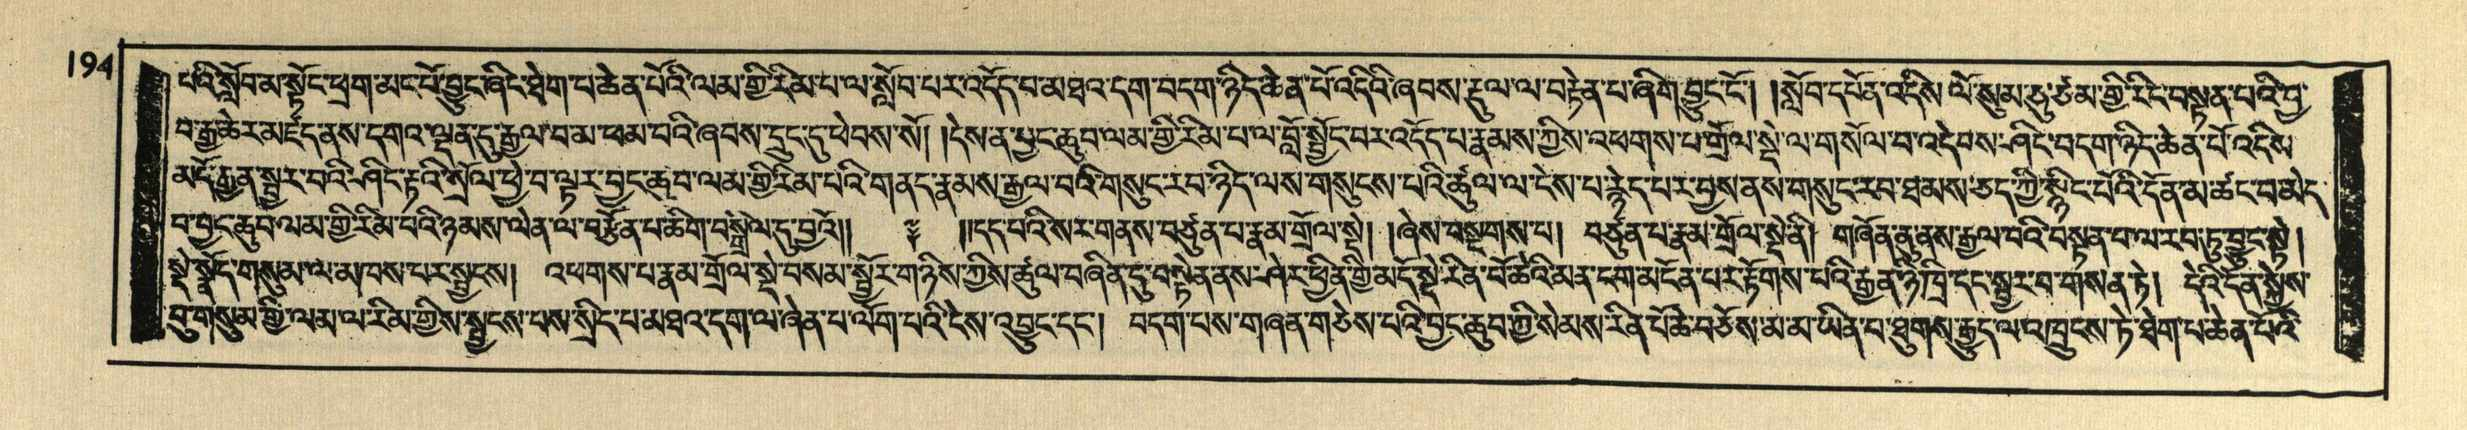པའི་སློབ་མ་སྟོང་ཕྲག་མང་པོ་བྱུང་ཞིང་ཐེག་པ་ཆེན་པོའི་ལམ་གྱི་རིམ་པ་ལ་སློབ་པར་འདོད་པ་མཐའ་དག་བདག་ཉིད་ཆེན་པོ་འདིའི་ཞབས་རྡུལ་ལ་བརྟེན་པ་ཞིག་བྱུང་ངོ། །སློབ་དཔོན་འདིས་ལོ་སུམ་ཅུ་ཙམ་གྱི་རིང་བསྟན་པའི་བྱ་
བ་རྒྱ་ཆེར་མཛད་ནས་དགའ་ལྡན་དུ་རྒྱལ་བ་མ་ཕམ་པའི་ཞབས་དྲུང་དུ་ཕེབས་སོ། །དེས་ན་བྱང་ཆུབ་ལམ་གྱི་རིམ་པ་ལ་བློ་སྦྱོང་བར་འདོད་པ་རྣམས་ཀྱིས་འཕགས་པ་གྲོལ་སྡེ་ལ་གསོལ་བ་འདེབས་ཤིང་བདག་ཉིད་ཆེན་པོ་འདིས་
མདོ་རྒྱན་སྦྱར་བའི་ཤིང་རྟའི་སྲོལ་ཕྱེ་བ་ལྟར་བྱང་ཆུབ་ལམ་གྱི་རིམ་པའི་གནད་རྣམས་རྒྱལ་བའི་གསུང་རབ་ཉིད་ལས་གསུངས་པའི་ཚུལ་ལ་ངེས་པ་རྙེད་པར་བྱས་ནས་གསུང་རབ་ཐམས་ཅད་ཀྱི་སྙིང་པོའི་དོན་མ་ཚང་བ་མེད་
པ་བྱང་ཆུབ་ལམ་གྱི་རིམ་པའི་ཉམས་ལེན་ལ་བརྩོན་པ་ཆིག་བསྒྲིལ་དུ་བྱའོ།། ༈ །།དད་པའི་སར་གནས་བཙུན་པ་རྣམ་གྲོལ་སྡེ། །ཞེས་བསྔགས་པ། བཙུན་པ་རྣམ་གྲོལ་སྡེ་ནི། གཞོན་ནུ་ནས་རྒྱལ་བའི་བསྟན་པ་ལ་རབ་ཏུ་བྱུང་སྟེ།
སྡེ་སྣོད་གསུམ་ལ་མཁས་པར་སྦྱངས། འཕགས་པ་རྣམ་གྲོལ་སྡེ་བསམ་སྦྱོར་གཉིས་ཀྱིས་ཚུལ་བཞིན་དུ་བསྟེན་ནས་ཤེར་ཕྱིན་གྱི་མདོ་སྡེ་རིན་པོ་ཆེའི་མན་ངག་མངོན་པར་རྟོགས་པའི་རྒྱན་ཉི་ཁྲི་དང་སྦྱར་བ་གསན་ཏེ། དེའི་དོན་སྐྱེས་
བུ་གསུམ་གྱི་ལམ་ལ་རིམ་གྱིས་སྦྱངས་པས་སྲིད་པ་མཐའ་དག་ལ་ཞེན་པ་ལོག་པའི་ངེས་འབྱུང་དང་། བདག་པས་གཞན་གཅེས་པའི་བྱང་ཆུབ་ཀྱི་སེམས་རིན་པོ་ཆེ་བཅོས་མ་མ་ཡིན་པ་ཐུགས་རྒྱུད་ལ་འཁྲུངས་ཏེ་ཐེག་པ་ཆེན་པོའི་